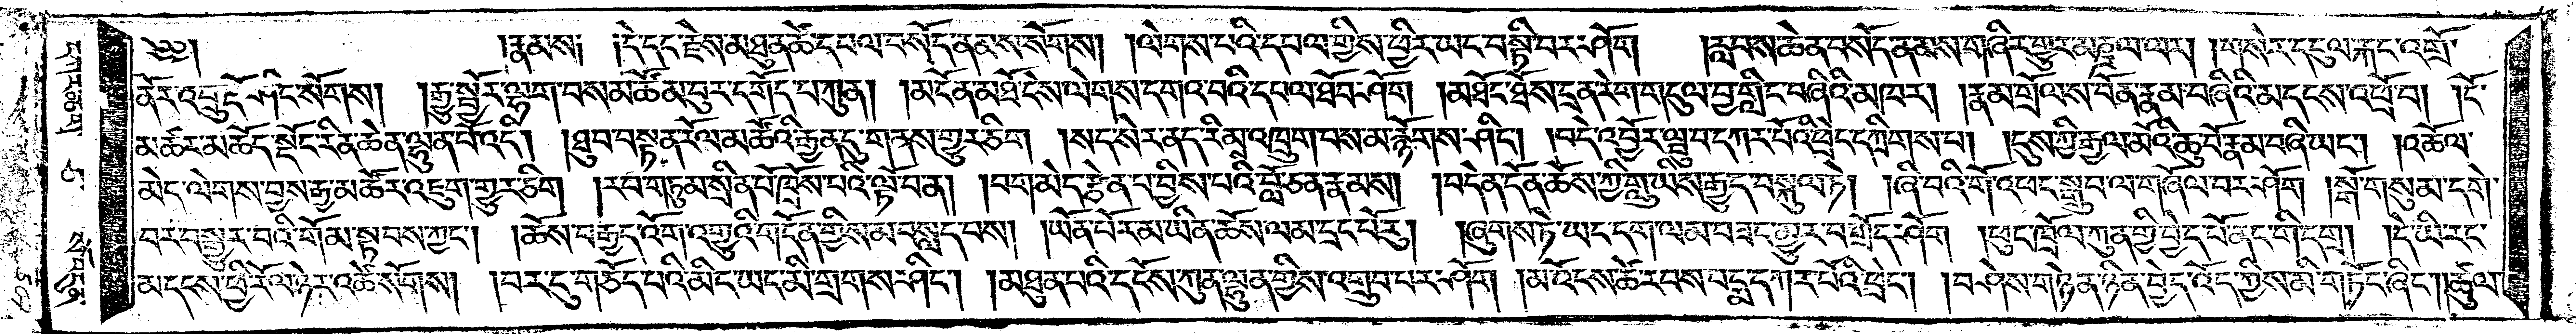༄༅། །རྣམས༑ ༑དེ་དང་རྗེས་མཐུན་ཚེ་དཔལ་བསོད་ནམས་སོགས། །ལེགས་པའི་དཔལ་གྱིས་ཕྱིར་ཡང་བསྟི་བར་ཤོག །རླབས་ཆེན་བསོད་ནམས་གཞིར་གྱུར་མཎྜལ་ལར། །གསེར་དངུལ་རྐང་འགྲོ་
ནོར་འབྲུ་རྡོ་ཤིང་སོགས། །རྒྱུ་སྦྱོར་ལྷག་བསམ་ཚོམ་བུར་དགོད་པ་ཀུན། །མངོན་མཐོ་ངེས་ལེགས་དགའ་བའི་དཔའ་ཐོབ་ཤོག །མཐོང་ཐོས་དྲན་རེག་གདུལ་བྱ་གླིང་བཞིའི་མཁར། །རྣམ་འགྲོ་ལས་བོན་རྣམ་བཞིའི་མདངས་འཕྲོ་བ། །ངོ་
མཚར་མཆོད་སྡོང་རིན་ཆེན་ལྷུན་པོ་འདི། །ཐུབ་བསྟན་རོལ་མཚོའི་རྒྱན་དུ་གནས་གྱུར་ཅིག །སད་སེར་ནད་རིམ་འཁྲུག་པས་མ་རྙོགས་ཤིང་། །བདེ་འབྱོར་ལྦུ་བ་དཀར་པོའི་ཕྲེང་དཀྲིགས་པ། །དུས་ཀྱི་རྒྱལ་མོའི་ཆུ་བོ་རྣམ་བཞི་ཡང་། །འཆོལ་
མེད་ལེགས་བྱས་རྒྱ་མཚོར་འཇུག་གྱུར་ཅིག །རབ་གཏུམ་སྲིན་པོ་ཁྲོས་པའི་ལྟོ་བ་ན། །བག་མེད་རྩེན་པ་བྱིས་པའི་བློ་ཅན་རྣམས། །བདེན་དོན་ཆོས་ཀྱི་གླུ་ཡིས་རྒྱུད་བསྐུལ་ཏེ། །ཞི་བའི་གོ་འཕང་སྒྲུབ་ལ་གཞོལ་བར་ཤོག །སྒོ་གསུམ་དགེ་
བར་བསྒྱུར་བའི་གོ་མ་སྟབས་ཀྱང་། །ཆོས་བརྒྱད་འོག་འགྱུའི་གདོན་གྱིས་མ་བསླད་བས། །ཡོན་བོར་མ་ཡིན་ཆོས་ལམ་དྲང་པོ་རུ། །ཞུགས་ཏེ་ཡང་དག་ལམ་བཟང་མྱུར་བགྲོད་ཤོག །ཕུང་ཁྲོལ་ཀུན་གྱི་བྱེད་པོ་ནང་གི་དགྲ། །དེ་ཡི་རང་
མདངས་ཕྱི་རོལ་ཉེར་འཚེ་སོགས། །བར་དུ་གཅོད་པའི་མིང་ཡང་མི་གྲགས་ཤིང་། །མཐུན་བའི་དངོས་ཀུན་ལྷུན་གྱིས་འགྲུབ་པར་ཤོག །མ་འོངས་ཚེ་རབས་བདམ་དཀར་པོའི་ཕྲེད། །བཤེས་གཉེན་ཉིན་བྱེད་འོད་ཀྱིས་མི་གཏོང་ཞིང་། །ཚུལ་